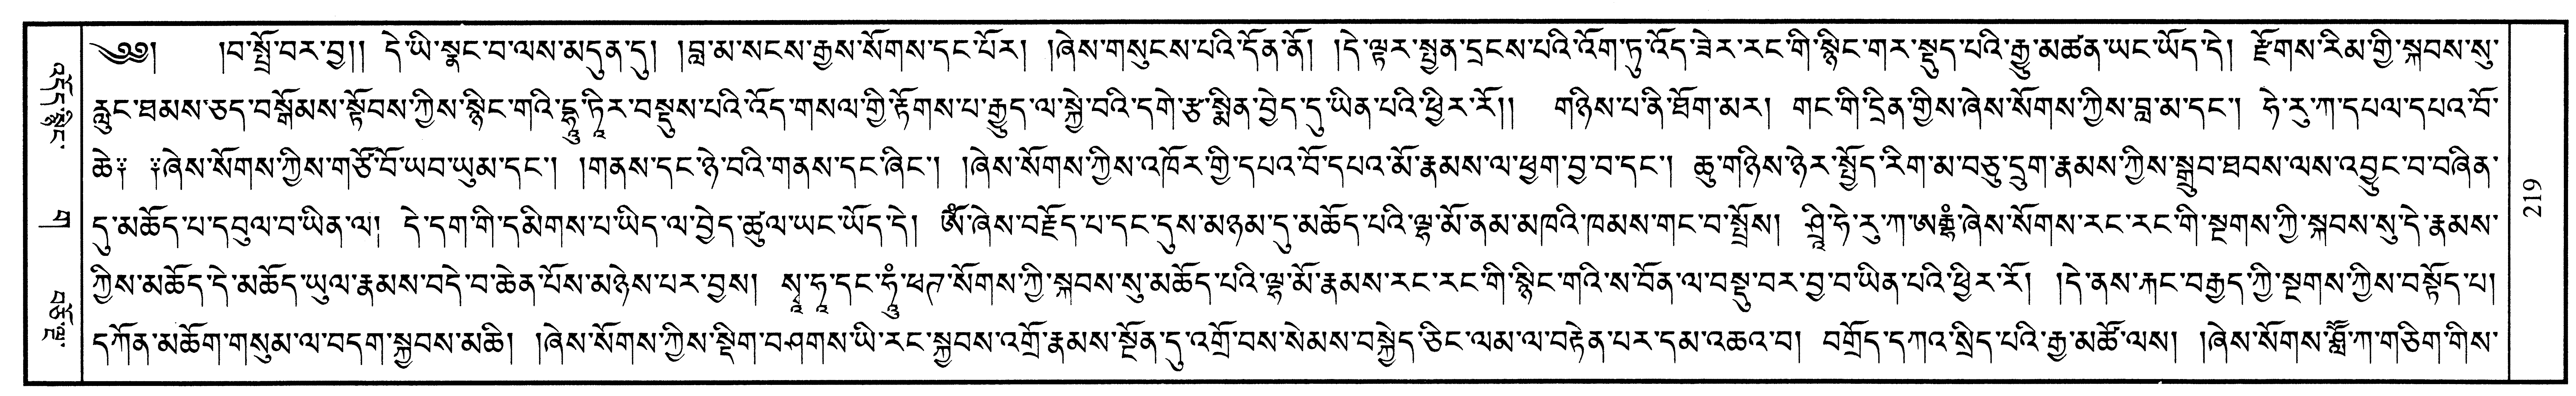༄༅། །བ་སྤྲོ་བར་བྱ། །དེ་ཡི་སྣང་བ་ལས་མདུན་དུ། །བླ་མ་སངས་རྒྱས་སོགས་དང་པོར། །ཞེས་གསུངས་པའི་དོན་ནོ། །དེ་ལྟར་སྤྱན་དྲངས་པའི་འོག་ཏུ་འོད་ཟེར་རང་གི་སྙིང་གར་སྡུད་པའི་རྒྱུ་མཚན་ཡང་ཡོད་དེ། རྫོགས་རིམ་གྱི་སྐབས་སུ་
རླུང་ཐམས་ཅད་བསྒོམས་སྟོབས་ཀྱིས་སྙིང་གའི་དྷཱུ་ཏཱིར་བསྡུས་པའི་འོད་གསལ་གྱི་རྟོགས་པ་རྒྱུད་ལ་སྐྱེ་བའི་དགེ་རྩ་སྨིན་བྱེད་དུ་ཡིན་པའི་ཕྱིར་རོ། །གཉིས་པ་ནི་ཐོག་མར། གང་གི་དྲིན་གྱིས་ཞེས་སོགས་ཀྱིས་བླ་མ་དང་། ཧེ་རུ་ཀ་དཔལ་དཔའ་བོ་
ཆེ༑ ༑ཞེས་སོགས་ཀྱིས་གཙོ་བོ་ཡབ་ཡུམ་དང་། །གནས་དང་ཉེ་བའི་གནས་དང་ཞིང་། །ཞེས་སོགས་ཀྱིས་འཁོར་གྱི་དཔའ་བོ་དཔའ་མོ་རྣམས་ལ་ཕྱག་བྱ་བ་དང་། ཆུ་གཉིས་ཉེར་སྤྱོད་རིག་མ་བཅུ་དྲུག་རྣམས་ཀྱིས་སྒྲུབ་ཐབས་ལས་འབྱུང་བ་བཞིན་
དུ་མཆོད་པ་དབུལ་བ་ཡིན་ལ། དེ་དག་གི་དམིགས་པ་ཡིད་ལ་བྱེད་ཚུལ་ཡང་ཡོད་དེ། ཨོཾ་ཞེས་བརྗོད་པ་དང་དུས་མཉམ་དུ་མཆོད་པའི་ལྷ་མོ་ནམ་མཁའི་ཁམས་གང་བ་སྤྲོས། ཤྲཱི་ཧེ་རུ་ཀ་ཨརྒྷཾ་ཞེས་སོགས་རང་རང་གི་སྔགས་ཀྱི་སྐབས་སུ་དེ་རྣམས་
ཀྱིས་མཆོད་དེ་མཆོད་ཡུལ་རྣམས་བདེ་བ་ཆེན་པོས་མཉེས་པར་བྱས། སྭཱ་ཧཱ་དང་ཧཱུཾ་ཕཊ་སོགས་ཀྱི་སྐབས་སུ་མཆོད་པའི་ལྷ་མོ་རྣམས་རང་རང་གི་སྙིང་གའི་ས་བོན་ལ་བསྡུ་བར་བྱ་བ་ཡིན་པའི་ཕྱིར་རོ། །དེ་ནས་རྐང་བརྒྱད་ཀྱི་སྔགས་ཀྱིས་བསྟོད་པ།
དཀོན་མཆོག་གསུམ་ལ་བདག་སྐྱབས་མཆི། །ཞེས་སོགས་ཀྱིས་སྡིག་བཤགས་ཡི་རང་སྐྱབས་འགྲོ་རྣམས་སྔོན་དུ་འགྲོ་བས་སེམས་བསྐྱེད་ཅིང་ལམ་ལ་བརྟེན་པར་དམ་འཆའ་བ། བགྲོད་དཀའ་སྲིད་པའི་རྒྱ་མཚོ་ལས། །ཞེས་སོགས་ཤླཽ་ཀ་གཅིག་གིས་